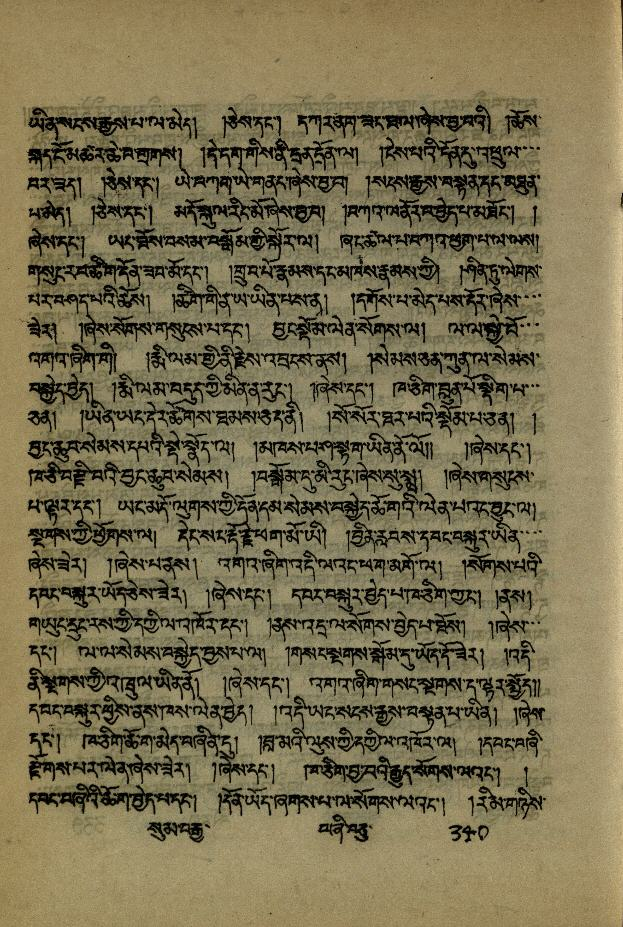ཡིན་སངས་རྒྱས་པ་ལ་མེད། །ཅེས་དང་། དཀར་ནག་ཟང་ཐལ་ཞེས་བྱ་བའི། །ཆོས་
སྐད་ངོ་མཚར་ཆེ་བ་གྲགས། །དེ་དག་གིས་ནི་དྲན་དྲོན་ལ། །ངེས་པའི་དོན་དུ་འཕྲུལ་
བར་ཟད། །ཅེས་དང་། ཡེ་བཀག་ཡེ་གནང་ཞེས་བྱ་བ། །སངས་རྒྱས་བསྟན་དང་མཐུན་
པ་མེད། །ཅེས་དང་། མདོ་སྐུལ་རིན་མོ་ཞེས་བྱ་བ། །བཀའ་ལ་ནོར་བ་བྱེད་པ་མཐོང།།
ཞེས་དང་། ཡང་ཐོས་བསམ་བསྒོམ་གྱི་སྐོར་ལ། ཞང་ཚལ་པ་བཀའ་ཕྱག་པ་ལ་ལས།
གསུང་རབ་ཚིག་དོན་ཟབ་མོ་དང་། །གྲུབ་པོ་རྣམས་དང་མཁས་རྣམས་ཀྱི། །ཤིན་ཏུ་ལེགས་
པར་བཤད་པའི་ཆོས། །ཚིག་གི་ན་ཡ་ཡིན་པས་ན། །དགོས་པ་མེད་པས་དོར་ཞེས་
ཟེར། །ཞེས་སོགས་གསུངས་པ་དང་། བྱང་སྡོམ་ལེན་སོགས་ལ། ལ་ལ་སྐྱེ་བོ་
འགའ་ཞིག་གི། །རྨི་ལམ་གྱི་ནི་རྗེས་འབྲངས་ནས། །སེམས་ཅན་ཀུན་ལ་སེམས་
བསྐྱེད་བྱེད། །རྨི་ལམ་བདུད་ཀྱི་མིན་ན་རུང་། །ཞེས་དང་། ཁ་ཅིག་བླུན་པོ་སྡིག་པ་
ཅན། །ཡིན་ཡང་དེར་ཚོགས་ཐམས་ཅད་ནི། །སོ་སོར་ཐར་བའི་སྡོམ་པ་ཅན།།
བྱང་ཆུབ་སེམས་དཔའི་སྡེ་སྣོད་ལ། །མཁས་པ་ཤ་སྟག་ཡིན་ནོ་ལོ།། །།ཞེས་དང་།
ཁ་ཅི་བརྫི་བའི་བྱང་ཆུབ་སེམས། །བསྒོམ་དུ་མི་རུང་ཞེས་སུ་སྨྲ། །ཞེས་གསུངས་
པ་ལྟར་དང་། ཡང་མདོ་ལུགས་ཀྱི་དོན་དམ་སེམས་བསྐྱེད་ཆོ་གའི་ལེན་པའང་བྱུང་ལ།
སྔགས་ཀྱི་ཕྱོགས་ལ། དེང་སང་རྡོ་རྗེ་ཕག་མོ་ཡི། །བྱིན་པོ་པ། །རླུང་གི་སྟོབས་ཀྱི་གོ་རཀྵ། །གཏུམ་མོའི་སྟོབས་ཀྱིས་
ཞེས་ཟེར། །ཞེས་པ་ནས། འགའ་ཞིག་འདི་ལའགན་ཕག་མགོ་ལ། །སོགས་
དབང་བསྐུར་ཡོད་ཅེས་ཟེར། །ཞེས་དང་། དབང་བསྐུར་བྱེད་པ་ཁ་ཅིག་ཀྱང་། །ནས།
གཡུང་དྲུང་རས་ཀྱི་དཀྱིལ་འཁོར་དང་། །ནས་འདྲ་ལ་སོགས་བྱེད་པ་ཐོས། །ཞེས་
དང་། ལ་ལ་སེམས་བསྐྱེད་བྱས་པ་ལ། །གསང་སྔགས་སྒོམ་དུ་ཡོད་དོ་ཟེར། །འདི་
ནི་སྔགས་ཀྱི་འཁྲུལ་ཡིན་ནོ། །ཞེས་དང་། འགའ་ཞིག་གསང་སྔགས་ད་ལྟར་སྤྱོད།།
དབང་བསྐུར་ཕྱིས་ནས་ཁས་ལེན་བྱེད། །འདི་ཡང་སངས་རྒྱས་བསྟན་པ་ཡིན། །ཞེས་
དང་། ཁ་ཅིག་ཆོ་ག་མེད་བཞིན་དུ། །བླ་མའི་ལུས་ཀྱི་དཀྱིལ་འཁོར་ལ། །དབང་བཞི་
རྫོགས་པྲ་ལེན་ཞེས་ཟེར། །ཞེས་དང་། ཁ་ཅིག་བྱ་བའི་རྒྱུད་སོགས་ལའང།།
དབང་བཞིའི་ཆོ་ག་བྱེད་པ་དང་། །དོན་ཡོད་ཞགས་པ་ལ་སོགས་ལའང་། །རིམ་གཉིས་